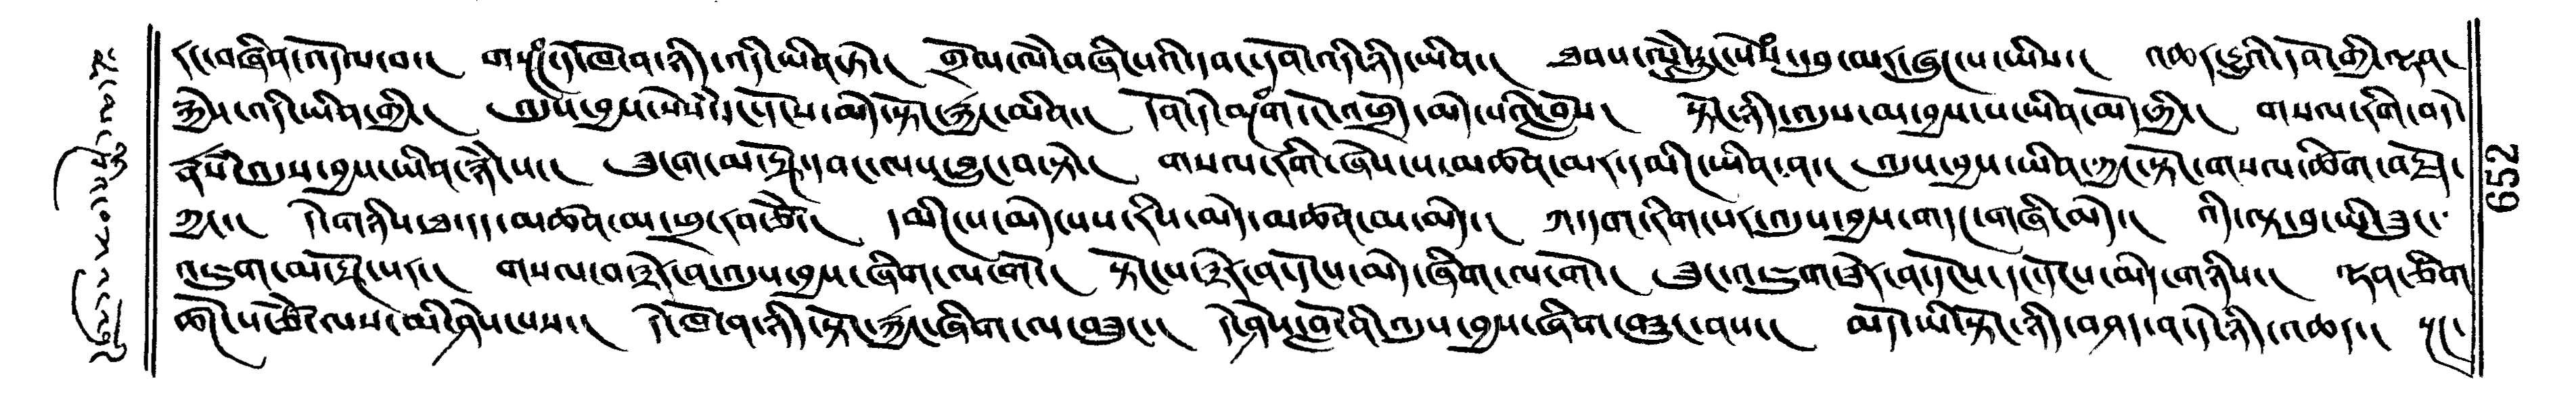རང་བཞིན་འོད་གསལ་བ། །གསང་སྔགས་དེ་ཁོ་ན་ཉིད་འདི་ཡིན་ཏེ། །གྲོལ་ལམ་བཞི་པའི་དབང་དོན་འདི་ཉིད་ཡིན། །ཐབས་ལམ་རླུང་སེམས་དབུ་མར་ཞུགས་པ་ཡིས། །འཆར་རྒྱུའི་དོན་གྱི་ལྷན་
སྐྱེས་འདི་ཡིན་གྱི། །འདུས་བྱས་སེམས་དང་དངོས་མེད་སྟོང་རྐྱང་མིན། །དོན་དེ་མན་ངག་ངོ་འཕྲོད་མེད་པའི་བློ། །སྟོང་ཉིད་འདུས་མ་བྱས་པ་ཡིན་མོད་ཀྱི། །གསལ་རིག་བདེ་
རྣམས་འདུས་བྱས་ཡིན་སྙམ་པ། །ཟུང་འཇུག་མ་རྟོགས་དབང་ལས་འབྱུང་བ་སྟེ། །གསལ་རིག་ཞེས་པ་མཚན་མར་དམིགས་ཡིན་ན། །འདུས་བྱས་ཡིན་ཀྱང་སྟོང་གསལ་ཚིག་བརྗོད་
ཀྱང་། །དེ་གཉིས་ཐ་དད་མཚན་མ་ཕྲ་རབ་ཙམ། །དམིགས་པ་མེད་པས་རིས་མེད་མཚན་མ་མེད། །ཀ་དག་རིག་པར་འདུས་བྱས་གདགས་གཞི་མེད། །འདི་ལྟ་བུ་ཡི་ཟུང་
འཇུག་མ་རྟོགས་པར། །གསལ་བ་ཟེར་ན་འདུས་བྱས་ཞིག་ལ་གོ སྟོང་པ་ཟེར་ན་དངོས་མེད་ཞིག་ལ་གོ ཟུང་འཇུག་ཟེར་ན་དངོས་དང་དངོས་མེད་གཉིས། །ལྷན་ཅིག་
ཚོགས་པ་ཅམ་ལས་མི་ཤེས་པས། །དེ་ཁོ་ན་ཉིད་སྟོང་རྐྱང་ཞིག་ལ་བཟུང་། །དེ་ཤེས་བློ་ནི་འདུས་བྱས་ཞིག་བཟུང་ནས། །མདོ་ཡི་སྟོང་ཉིད་བཤད་ན་དེ་ཉིད་འཆད། །སྔགས་